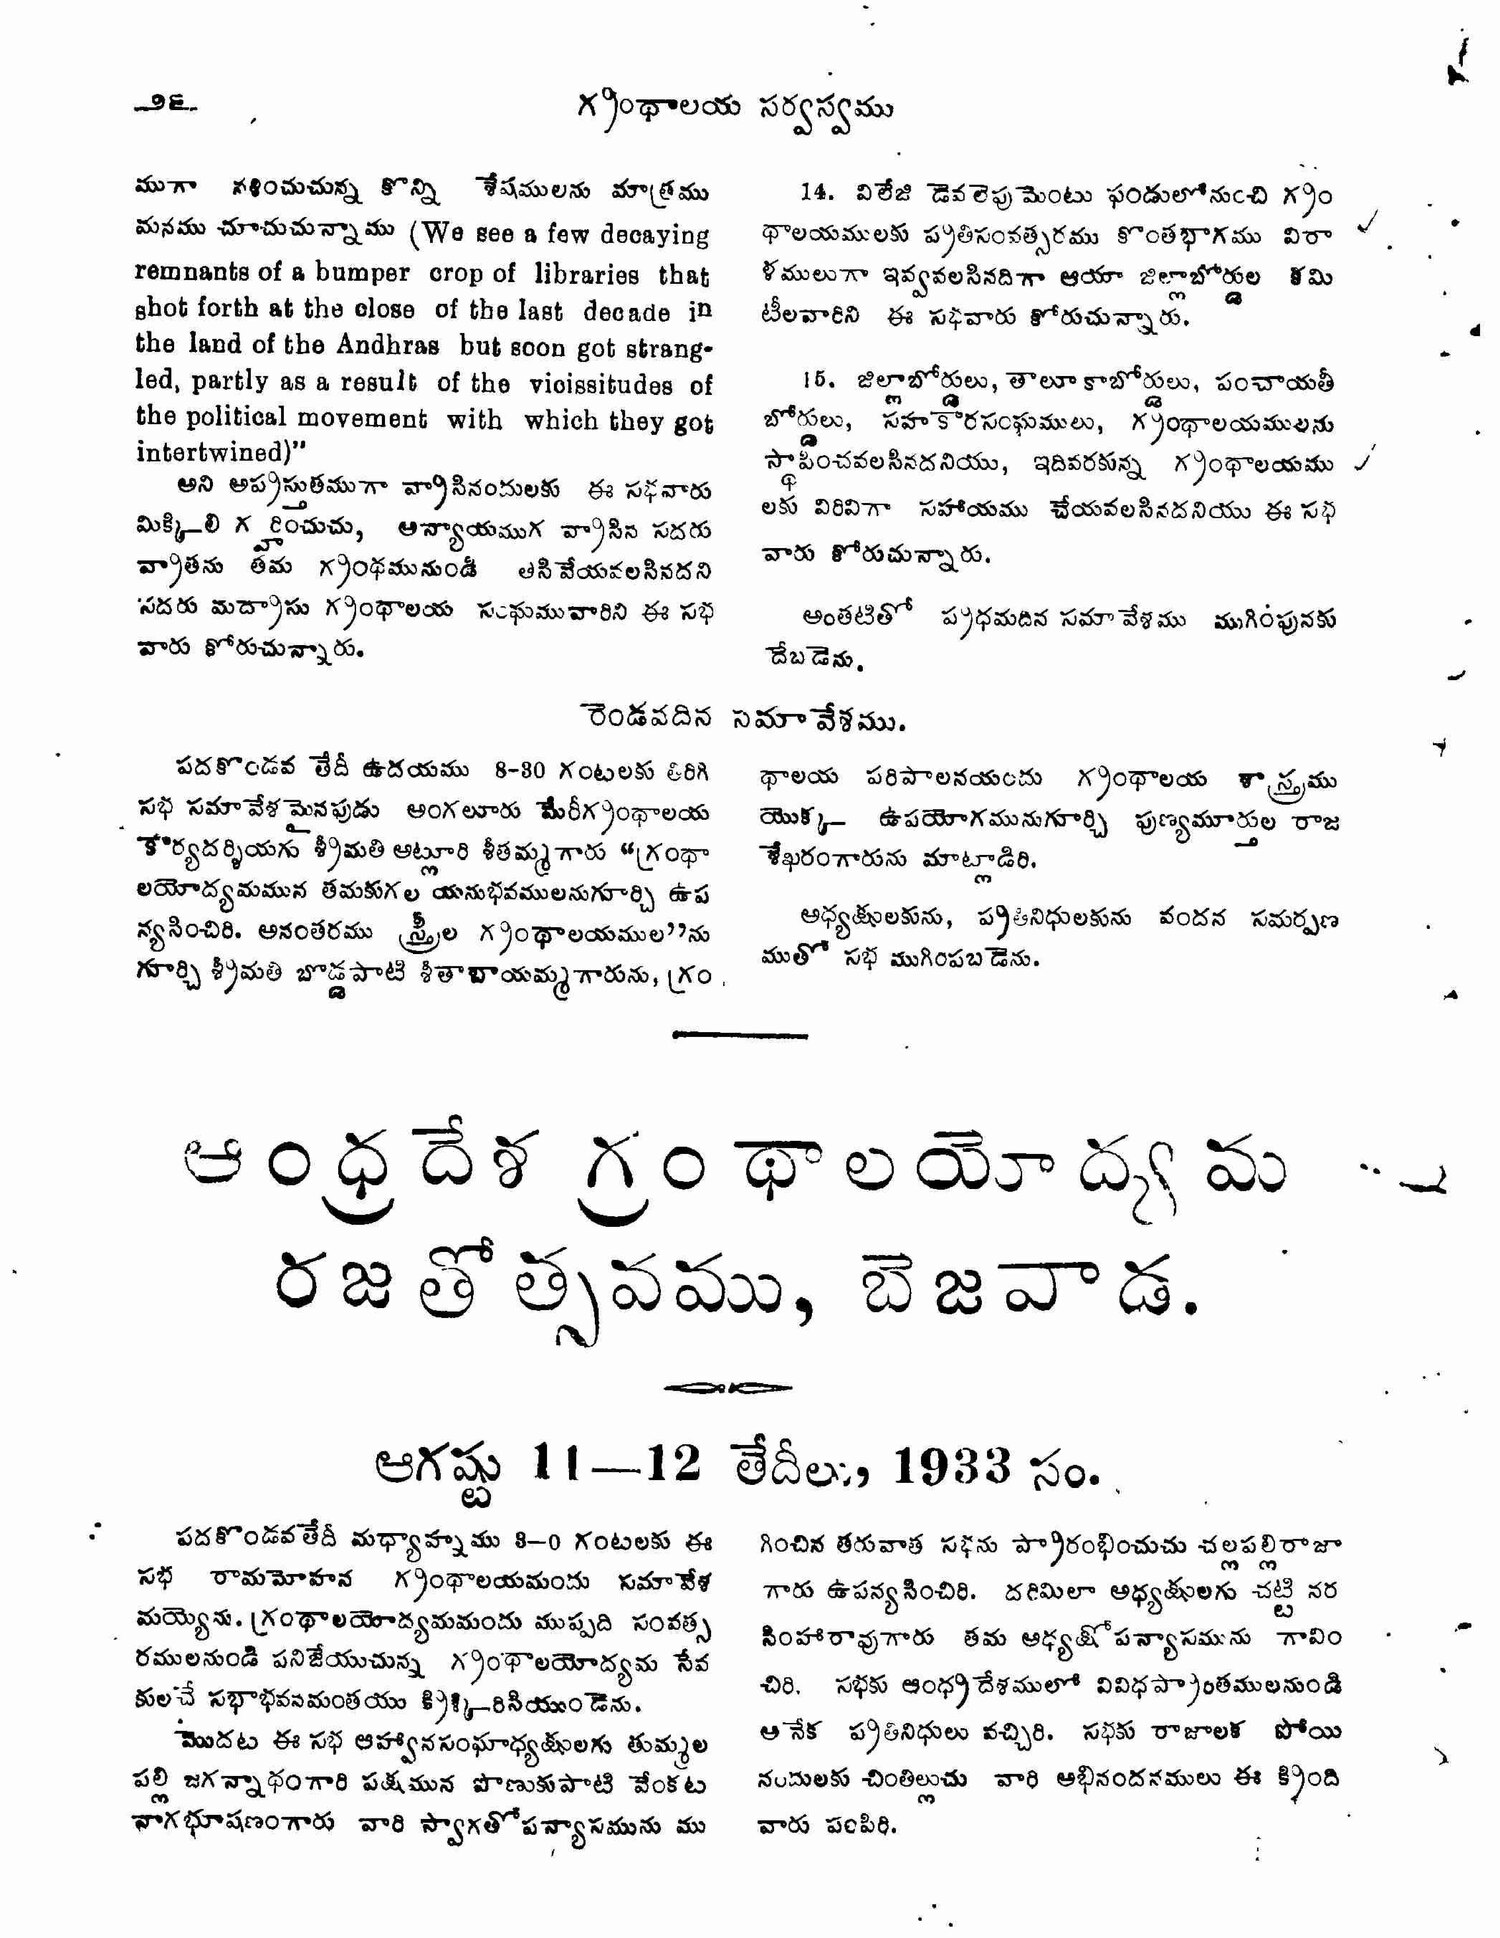ముగా వశించుచున్న కొన్ని శేషములను మాత్రము మనము చూచుచున్నాము (We see a few decaying remnants of a bumper crop of libraries that shot forth at the close of the last decade in the land of the Andhra's but soon got 
strangled, partly as a result of the vicissitudes of the political movement with which they got intertwined)"

అని అప్రస్తుతముగా వ్రాసినందులకు ఈ సభవారు మిక్కిలి గుర్తించుచు, అన్యాయముగ వ్రాసిన సదరు వ్రాతను తమ గ్రంధము నుండి ఆపివేయవలసినదని సదరు మద్రాసు గ్రంథాలయ సంఘము వారిని ఈ సభ వారు కోరుచున్నారు.

14. విలేజి డెవలెపుమెంటు పండులోనుంచి గ్రంథాలయములకు ప్రతిసంవత్సరము కొంతభాగము విరాళములుగా ఇవ్వవలసినదిగా ఆయా జిల్లా బోర్డుల కమిటీలవారిని ఈ సభవారు కోరుచున్నారు.

15. జిల్లాబోర్డులు, తాలూకా బోర్డులు, పంచాయతీ బోర్డులు, సహకార సంఘములు, గ్రంథాలయములను స్థాపించవలసినదనియు, ఇదివరకున్న గ్రంథాలయములకు విరివిగా సహాయము చేయవలసినదనియు ఈ సభ వారు కోరుచున్నారు.

అంతటితో ప్రధమదిన సమావేశము ముగింపునకు దేబడెను.

పదకొండవ తేదీ ఉదయము 8-30 గంటలకు తిరిగి సభ సమావేళ మైనపుడు అంగలూరు మేరీ గ్రంథాలయ కార్యదర్శియగు 
శ్రీమతి అట్లూరి శీతమ్మ గారు “గ్రంథాలయోద్యమమున తమకు గల యనుభవములను గూర్చి ఉపన్యసించిరి. అనంతరము స్త్రీల గ్రంథాలయముల” ను గూర్చి శ్రీమతి బొడ్డపాటి శీతాబాయమ్మగారును, గ్రంథాలయ పరిపాలనయందు గ్రంథాలయ శాస్త్రము
యొక్క ఉపయోగమును గూర్చి పుణ్యమూర్తుల రాజశేఖరంగారును మాట్లాడిరి.

ఆధ్యక్షులకును, ప్రతినిధులకును వందన సమర్పణముతో సభ ముగింపబడెను.

పదకొండవ తేదీ మధ్యాహ్నము 3-0 గంటలకు ఈ సభ రామమోహన గ్రంథాలయమందు సమావేశమయ్యెను. గ్రంథాలయోద్యమమందు ముప్పది సంవత్సరములనుండి పనిజేయుచున్న గ్రంథాలయోద్యమ సేవకులచే సభాభవనమంతయు కిక్కిరిసియుండెను.

మొదట ఈ సభ ఆహ్వాన సంఘాధ్యక్షులగు తుమ్మలపల్లి జగన్నాధం గారి పక్షమున పొణుకుపాటి వేంకట నాగభూషణంగారు వారి స్వాగతోపన్యాసమును ముగించిన తరువాత సభను ప్రారంభించుచు చల్లపల్లిరాజా గారు ఉపన్యసించిరి. దరిమిలా అధ్యక్షులగు చట్టి నరసింహారావుగారు తమ అధ్యక్షోపన్యాసమును గావించిరి. సభకు ఆంధ్ర దేశములో వివిధప్రాంతములనుండి అనేక ప్రతినిధులు వచ్చిరి. సభకు రాజాలక పోయినందులకు చింతిల్లుచు వారి అభినందనములు ఈ క్రింది వారు పంపిరి.